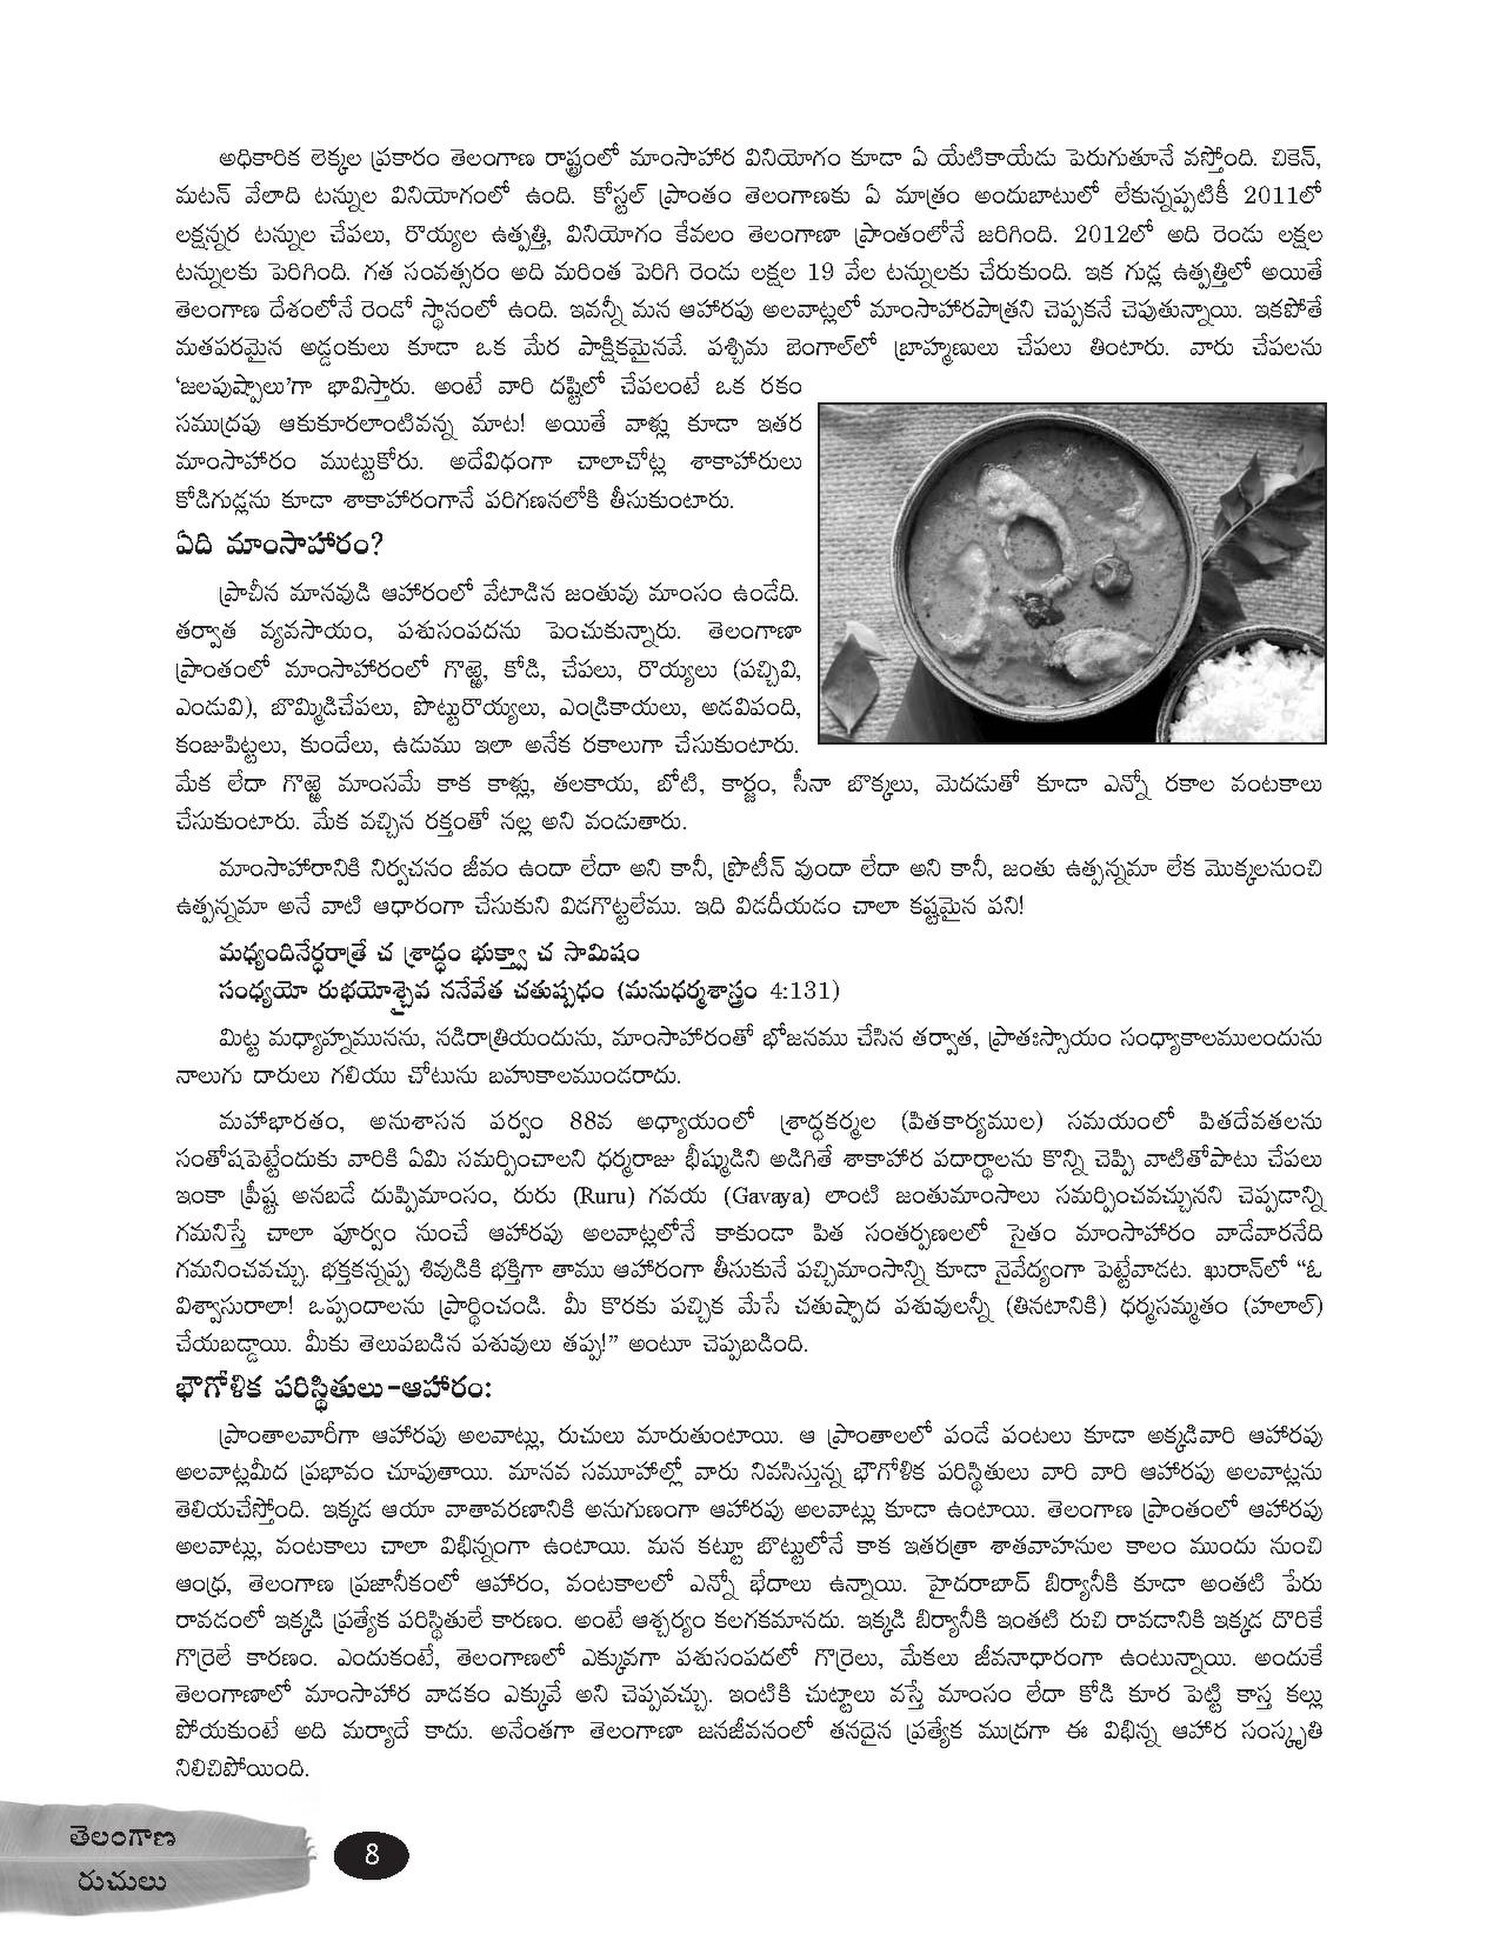అధికారిక లెక్కల ప్రకారం తెలంగాణ రాష్ట్రంలో మాంసాహార వినియోగం కూడా ఏ యేటికాయేడు పెరుగుతూనే వస్తోంది. చికెన్, మటన్ వేలాది టన్నుల వినియోగంలో ఉంది. కోస్టల్ ప్రాంతం తెలంగాణకు ఏ మాత్రం అందుబాటులో లేకున్నప్పటికీ 2011లో లక్షన్నర టన్నుల చేపలు, రొయ్యల ఉత్పత్తి, వినియోగం కేవలం తెలంగాణా ప్రాంతంలోనే జరిగింది. 2012లో అది రెండు లక్షల టన్నులకు పెరిగింది. గత సంవత్సరం అది మరింత పెరిగి రెండు లక్షల 19 వేల టన్నులకు చేరుకుంది. ఇక గుడ్ల ఉత్పత్తిలో అయితే తెలంగాణ దేశంలోనే రెండో స్థానంలో ఉంది. ఇవన్నీ మన ఆహారపు అలవాట్లలో మాంసాహారపాత్రని చెప్పకనే చెపుతున్నాయి. ఇకపోతే మతపరమైన అడ్డంకులు కూడా ఒక మేర పాక్షికమైనవే. పశ్చిమ బెంగాల్లో బ్రాహ్మణులు చేపలు తింటారు. వారు చేపలను 'జలపుష్పాలు'గా భావిస్తారు. అంటే వారి దష్టిలో చేపలంటే ఒక రకం సముద్రపు ఆకుకూరలాంటివన్న మాట! అయితే వాళ్లు కూడా ఇతర మాంసాహారం ముట్టుకోరు. అదేవిధంగా చాలాచోట్ల శాకాహారులు కోడిగుడ్లను కూడా శాకాహారంగానే పరిగణనలోకి తీసుకుంటారు.

ఏది మాంసాహారం?

ప్రాచీన మానవుడి ఆహారంలో వేటాడిన జంతువు మాంసం ఉండేది. తర్వాత వ్యవసాయం, పశుసంపదను పెంచు కున్నారు. తెలంగాణా ప్రాంతంలో మాంసాహారంలో గొట్టె, కోడి, చేపలు, రొయ్యలు (పచ్చివి, ఎండువి), బొమ్మిడి చేపలు, పొట్టురొయ్యలు, ఎండ్రికాయలు, అడవిపంది, కంజుపిట్టలు, కుందేలు, ఉడుము ఇలా అనేక రకాలుగా చేసుకుంటారు. మేక లేదా గొజ్జె మాంసమే కాక కాళ్లు, తలకాయ, బోటి, కార్జం, సీనా బొక్కలు, మెదడుతో కూడా ఎన్నో రకాల వంటకాలు చేసుకుంటారు. మేక వచ్చిన రక్తంతో నల్ల అని వండుతారు.

మాంసాహారానికి నిర్వచనం జీవం ఉందా లేదా అని కానీ, ప్రొటీన్ వుందా లేదా అని కానీ, జంతు ఉత్పన్నమా లేక మొక్కలనుంచి ఉత్పన్నమా అనే వాటి ఆధారంగా చేసుకుని విడగొట్టలేము. ఇది విడదీయడం చాలా కష్టమైన పని!

మధ్యందినేర్ధరాత్రే చ శ్రాద్ధం భుక్త్వా చ సామిషం
సంధ్యయో రుభయోశ్చైవ ననేవేత చతుష్పధం (మనుధర్మశాస్త్రం 4:131)

మిట్ట మధ్యాహ్నమునను, నడిరాత్రియందును, మాంసాహారంతో భోజనము చేసిన తర్వాత, ప్రాతఃస్సాయం సంధ్యా కాలము లందును నాలుగు దారులు గలియు చోటును బహుకాలముండరాదు.

మహాభారతం, అనుశాసన పర్వం 88వ అధ్యాయంలో శ్రాద్ధకర్మల (పితకార్యముల) సమయంలో పితదేవతలను సంతోష పెట్టేందుకు వారికి ఏమి సమర్పించాలని ధర్మరాజు భీష్ముడిని అడిగితే శాకాహార పదార్థాలను కొన్ని చెప్పి వాటితోపాటు చేపలు ఇంకా ప్రీష్ట అనబడే దుప్పి మాంసం, రురు (Ruru) గవయ (Gavaya) లాంటి జంతుమాంసాలు సమర్పించ వచ్చునని చెప్పడాన్ని గమనిస్తే చాలా పూర్వం నుంచే ఆహారపు అలవాట్లలోనే కాకుండా పిత సంతర్పణలలో సైతం మాంసాహారం వాడేవారనేది గమనించవచ్చు. భక్తకన్నప్ప శివుడికి భక్తిగా తాము ఆహారంగా తీసుకునే పచ్చిమాంసాన్ని కూడా నైవేద్యంగా పెట్టేవాడట. ఖురాన్లో “ఓ విశ్వాసురాలా! ఒప్పందాలను ప్రార్థించండి. మీ కొరకు పచ్చిక మేసే చతుష్పాద పశువులన్నీ (తినటానికి) ధర్మసమ్మతం (హలాల్) చేయబడ్డాయి. మీకు తెలుపబడిన పశువులు తప్ప!" అంటూ చెప్పబడింది.

భౌగోళిక పరిస్థితులు-ఆహారం:

ప్రాంతాలవారీగా ఆహారపు అలవాట్లు, రుచులు మారుతుంటాయి. ఆ ప్రాంతాలలో పండే పంటలు కూడా అక్కడివారి ఆహారపు అలవాట్లమీద ప్రభావం చూపుతాయి. మానవ సమూహాల్లో వారు నివసిస్తున్న భౌగోళిక పరిస్థితులు వారి వారి ఆహారపు అలవాట్లను తెలియచేస్తోంది. ఇక్కడ ఆయా వాతావరణానికి అనుగుణంగా ఆహారపు అలవాట్లు కూడా ఉంటాయి. తెలంగాణ ప్రాంతంలో ఆహారపు అలవాట్లు, వంటకాలు చాలా విభిన్నంగా ఉంటాయి. మన కట్టూ బొట్టులోనే కాక ఇతరత్రా శాతవాహనుల కాలం ముందు నుంచి ఆంధ్ర, తెలంగాణ ప్రజానీకంలో ఆహారం, వంటకాలలో ఎన్నో భేదాలు ఉన్నాయి. హైదరాబాద్ బిర్యానీకి కూడా అంతటి పేరు రావడంలో ఇక్కడి ప్రత్యేక పరిస్థితులే కారణం. అంటే ఆశ్చర్యం కలగకమానదు. ఇక్కడి బిర్యానీకి ఇంతటి రుచి రావడానికి ఇక్కడ దొరికే గొర్రెలే కారణం. ఎందుకంటే, తెలంగాణలో ఎక్కువగా పశుసంపదలో గొర్రెలు, మేకలు జీవనాధారంగా ఉంటున్నాయి. అందుకే తెలంగాణాలో మాంసాహార వాడకం ఎక్కువే అని చెప్పవచ్చు. ఇంటికి చుట్టాలు వస్తే మాంసం లేదా కోడి కూర పెట్టి కాస్త కల్లు పోయకుంటే అది మర్యాదే కాదు. అనేంతగా తెలంగాణా జనజీవనంలో తనదైన ప్రత్యేక ముద్రగా ఈ విభిన్న ఆహార సంస్కృతి నిలిచిపోయింది.